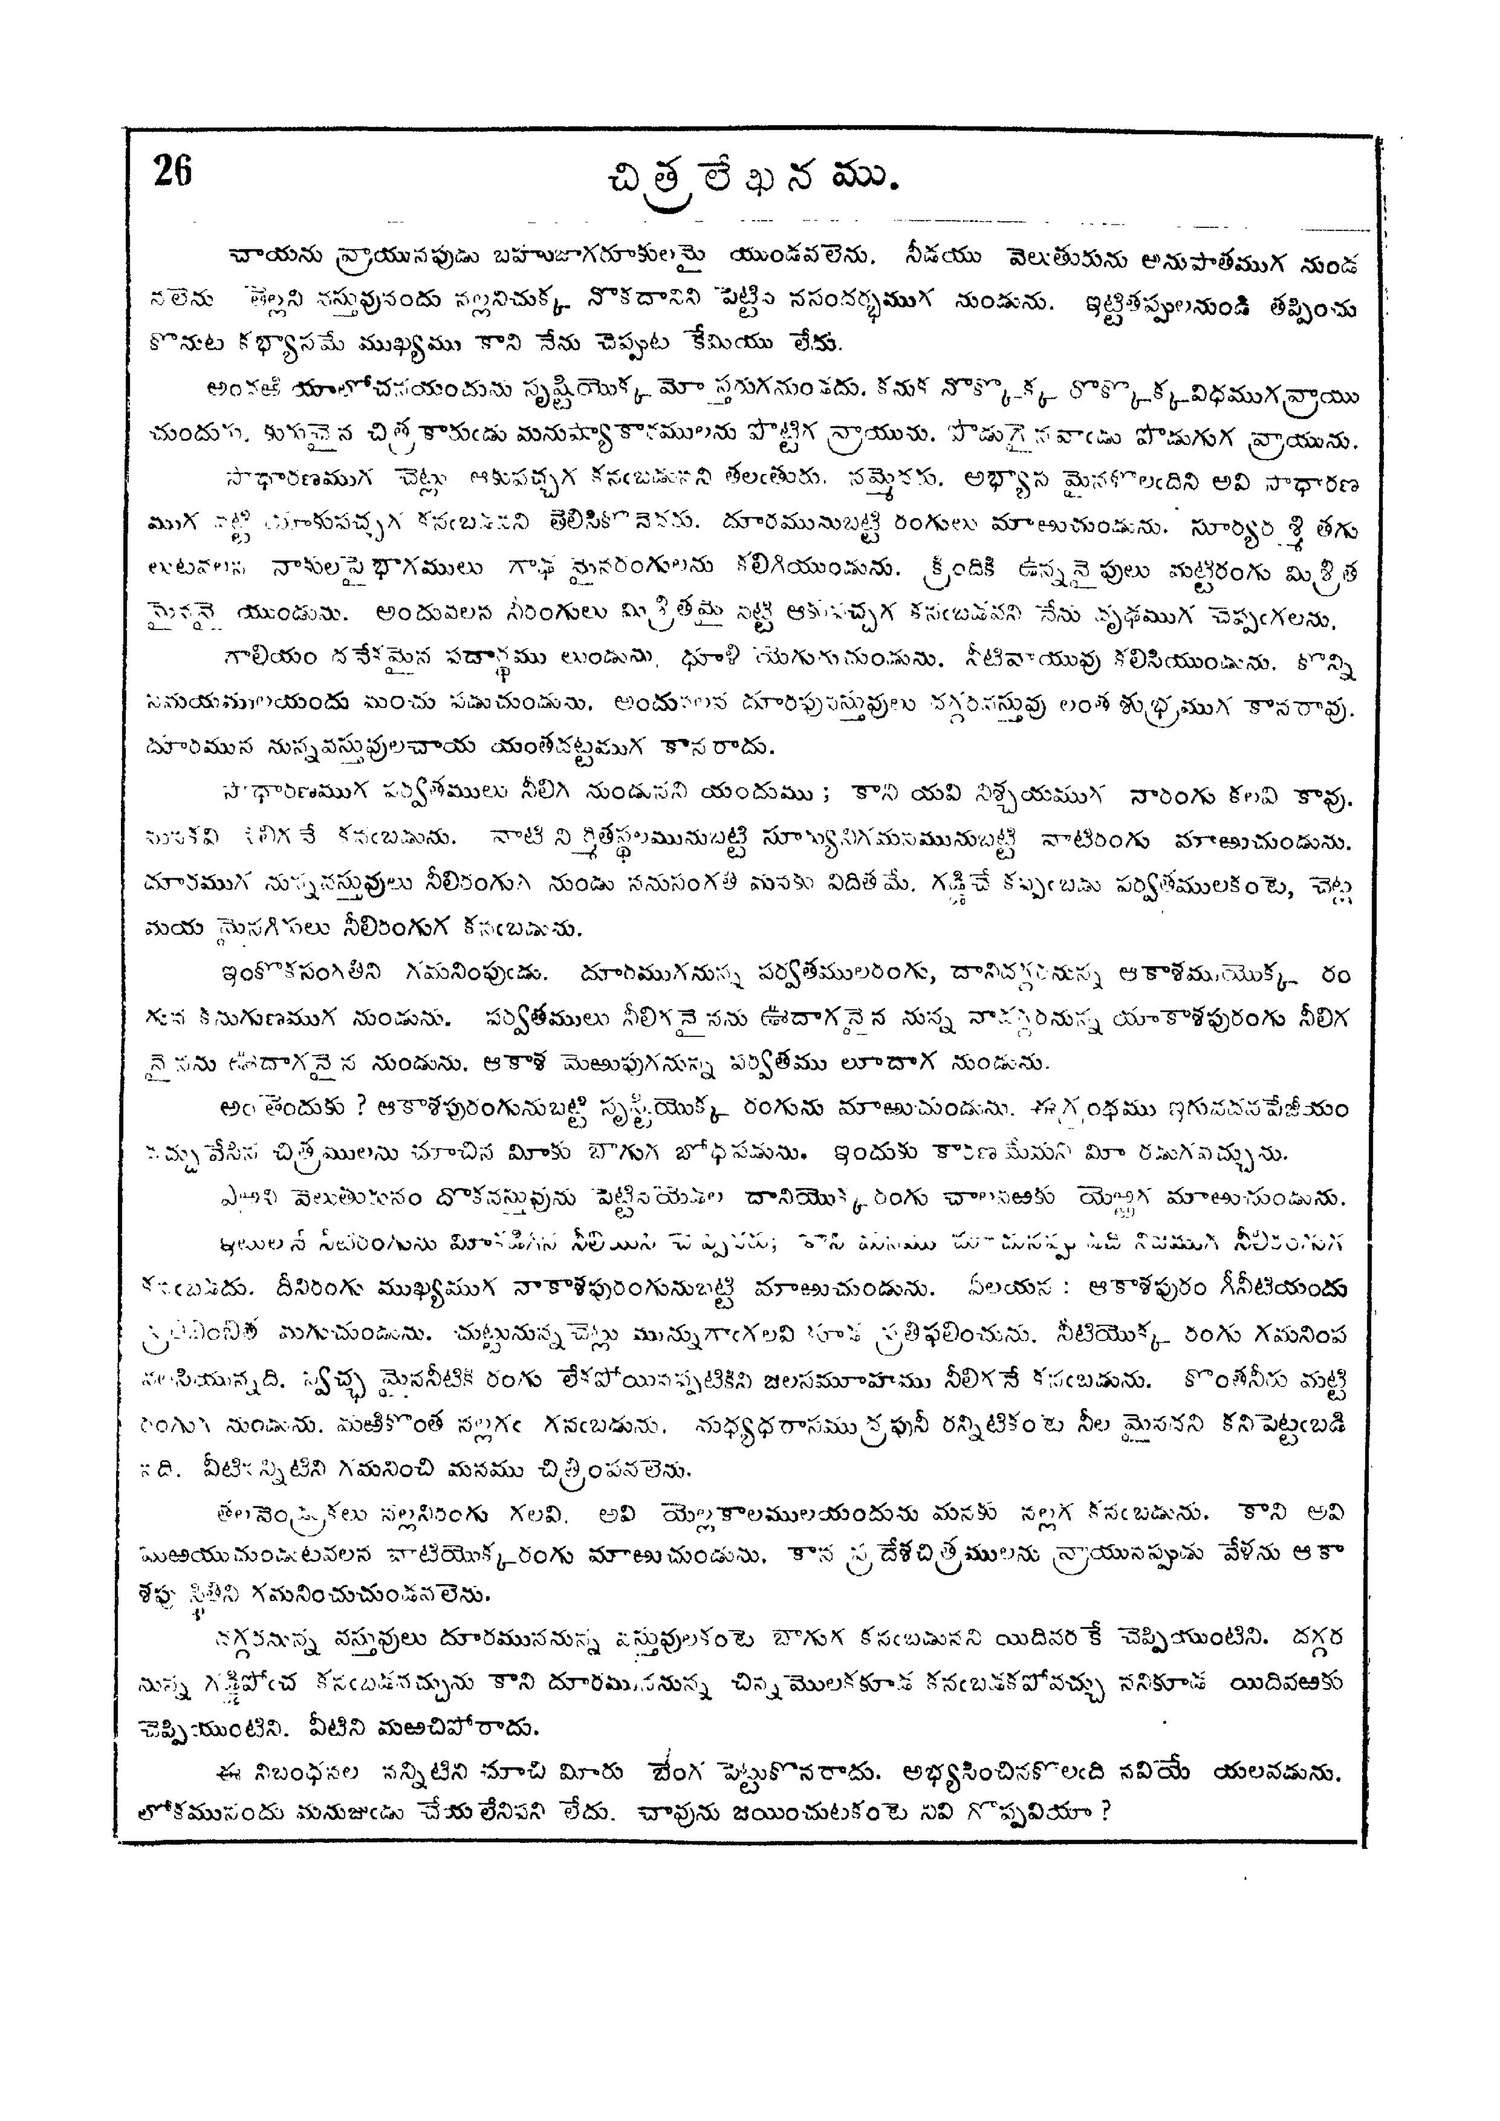చాయను వ్రాయునపుడు బహుజాగరూకులమై యుండవలెను. నీడయు వెలుతురును అనుపాతముగ నుండవలెను. తెల్లని వస్తువునందు నల్లనిచుక్క నొకదానిని పెట్టిన నసందర్భముగ నుండును. ఇట్టితప్పులనుండి తప్పించుకొనుట కభ్యాసమే ముఖ్యము కాని నేను చెప్పుట కేమియు లేదు.

అందఱి యాలోచనయందును సృష్టియొక్కమోస్తరుగనుండదు. కనుక నొక్కొక్క రొక్కొక్క విధముగ వ్రాయుచుందురు. కురుచైన చిత్రకారుడు మనుష్యాకారములను పొట్టిగ వ్రాయును. పొడగైనవాడు పొడుగుగ వ్రాయును.

సాధారణముగ చెట్లు ఆకుపచ్చగ కనబడునని తలతురు. నమ్మెదరు. అభ్యాస మైనకొలదిని అవి సాధారణముగ నట్టి యాకుపచ్చగ కనబడదని తెలిసికొనెదరు. దూరమునుబట్టి రంగులు మాఱుచుండును. సూర్యరశ్మి తగులుటవలన నాకులపైభాగములు గాడ మైనరంగులను కలిగియుండును. క్రిందికి ఉన్నవైపులు మట్టిరంగు మిశ్రితమైనవై యుండును. అందువలన నీరంగులు మిశ్రితమైనట్టి ఆకుపచ్చగ కనబడవని నేను దృడముగ చెప్పగలను.

గాలియం దనేకమైన పదార్థము లుండును. ధూళి యెగురుచుండును. నీటివాయువు కలిసియుండును. కొన్ని సమయములయందు మంచు పడుచుండును. అందువలన దూరపువస్తువులు దగ్గరవస్తువు లంత శుభ్రముగ కానరావు. దూరమున నున్నవస్తువులచాయ యంతదట్టముగ కానరాదు.

సాధారణముగ పర్వతములు నీలిగ నుండునని యందుము; కాని యవి నిశ్చయముగ నారంగు కలవి కావు. మనకవి లీలిగనే కనబడును. వాటి నిర్మితస్థలమునుబట్టి సూర్యునిగమనమునుబట్టి వాటిరంగు మాఱుచుండును. దూరముగ నున్నవస్తువులు నీలిరంగుగ నుండు ననుసంగతి మనకు విదితమే గడ్డిచే కప్పబడు పర్వతములకంటె, చెట్లమయ మైనగిరులు నీలిరంగుగ కనబడును.

ఇంకొకసంగతిని గమనింపుడు దూరముగనున్న పర్వతములరంగు, దానిదగ్గరనున్న ఆకాశముయొక్క రంగున కనుగుణముగ నుండును. పర్వతములు నీలిగనైనను ఊదాగనైన నున్న నాదగ్గరనున్న యాకాశపురంగు నీలిగనైనను ఊదాగనైన నుండును. ఆకాశ మెఱుపుగనున్న పర్వతము లూదాగా నుండును.

అంతెందుకు? ఆకాశపురంగునుబట్టి సృష్టియొక్క రంగును మాఱుచుండును. ఈగ్రంథము ఇరువదవపేజీయం అచ్చువేసిన చిత్రములను చూచిన మీకు బాగుగ బోధపడును. ఇందుకు కారణమేమని మీ రడుగవచ్చును.

ఎఱ్ఱని వెలుతురునం దొకవస్తువును పెట్టినయెడల దానియొక్కరంగు చాలవఱకు యెఱ్ఱగ మాఱుచుండును.

ఇటులనే నీటిరంగును మీకడిగిన నీలియని చెప్పెదరు; కాని మనము చూచునప్పుడది నిజముగ నీలిరంగుగ కనబడదు. దీనిరంగు ముఖ్యముగ నాకాశపురంగునుబట్టి మాఱుచుండును. ఏలయన: ఆకాశపురం గీనీటియందు ప్రతిబింబిత మగుచుండును. చుట్టునున్న చెట్లు మున్నుగాగలవి కూడ ప్రతిఫలించును. నీటియొక్క రంగు గమనింపవలసియున్నది. స్వచ్ఛమైననీటికి రంగు లేకపోయినప్పటికిని జలసమూహము నీలిగనే కనబడును. కొంతనీరు మట్టిరంగుగ నుండును. మఱికొంత నల్లగ గనబడును. మధ్యధరాసముద్రపునీ రన్నిటికంటె నీల మైనదని కనిపెట్టబడినది. వీటినన్నిటిని గమనించి మనము చిత్రింపవలెను.

తలవెండ్రుకలు నల్లనిరంగు గలవి. అవి యెల్లకాలములయందును మనకు నల్లగ కనబడును. కాని అవి మెఱయుచుండుటవలన వాటియొక్కరంగు మాఱుచుండును. కాన ప్రదేశచిత్రములను వ్రాయునప్పుడు వేళను ఆకాశపు స్థితిని గమనించుచుండవలెను.

దగ్గరగనున్న వస్తువులు దూరముననున్న వస్తువులకంటె బాగుగ కనబడునని యిదివరకే చెప్పియుంటిని. దగ్గరనున్న గడ్డిపోచ కనబడవచ్చును కాని దూరముననున్న చిన్నమొలకకూడ కనబడకపోవచ్చు ననికూడ యిదివఱకు చెప్పియుంటిని. వీటిని మఱచిపోరాదు.

ఈ నిబంధనల నన్నిటిని చూచి మీరు బెంగ పెట్టుకొనరాదు. అభ్యసించినకొలది నవియే యలవడును. లోకమునందు మనుజుడు చేయలేనిపని లేదు. చావును జయించుటకంటె నివి గొప్పవియా?